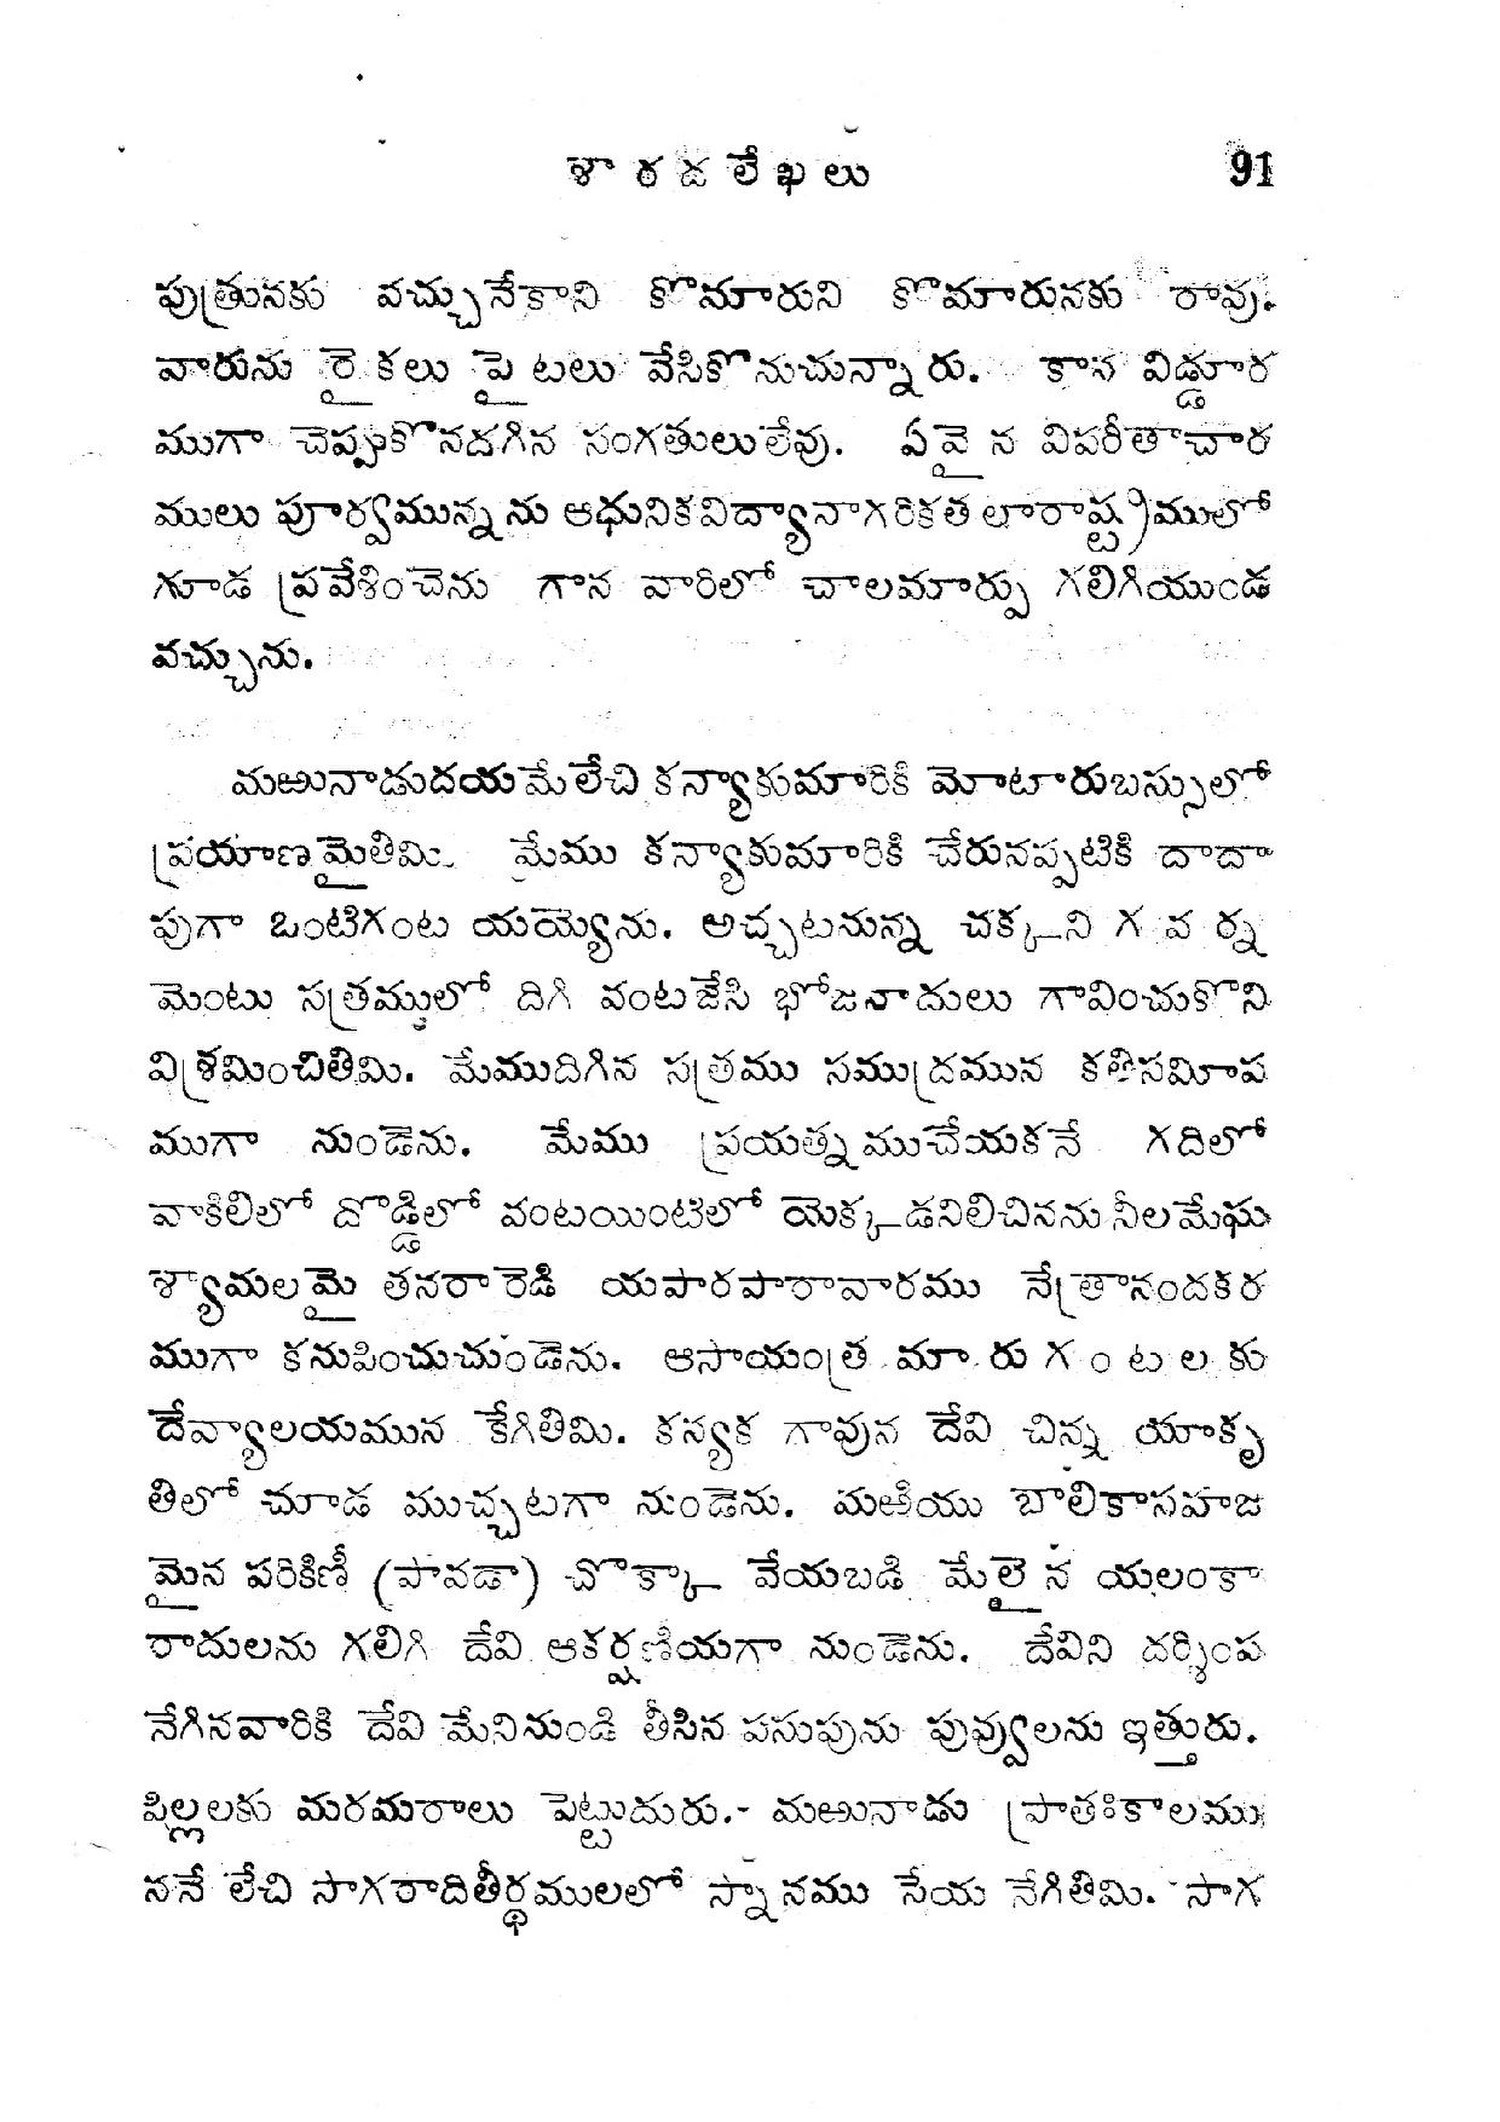పుత్రునకు వచ్చునేకాని కొమారుని కొమారునకు రావు. వారును రైకలు పైటలు వేసికొనుచున్నారు. కాన విడ్డూరముగా చెప్పుకొనదగిన సంగతులులేవు. ఏవైన విపరీతాచారములు పూర్వమున్నను ఆధునిక విద్యానాగరికత లారాష్ట్రములో గూడ ప్రవేశించెను గాన వారిలో చాలమార్పు గలిగియుండ వచ్చును.

మఱునాడుదయమేలేచి కన్యాకుమారికి మోటారుబస్సులో ప్రయాణమైతిమి. మేము కన్యాకుమారికి చేరునప్పటికి దాదాపుగా ఒంటిగంట యయ్యెను. అచ్చటనున్న చక్కని గవర్నమెంటు సత్రములో దిగి వంటజేసి భోజనాదులు గావించుకొని విశ్రమించితిమి. మేముదిగిన సత్రము సముద్రమున కతిసమీపముగా నుండెను. మేము ప్రయత్నముచేయకనే గదిలో వాకిలిలో దొడ్డిలో వంటయింటిలో యెక్కడనిలిచినను నీలమేఘశ్యామలమై తనరారెడి యపారపారావారము నేత్రానందకరముగా కనుపించుచుండెను. ఆసాయంత్ర మారుగంటలకు దేవ్యాలయమున కేగితిమి. కన్యక గావున దేవి చిన్న యాకృతిలో చూడ ముచ్చటగా నుండెను. మఱియు బాలికాసహజమైన పరికిణీ (పావడా) చొక్కా వేయబడి మేలైన యలంకారాదులను గలిగి దేవి ఆకర్షణీయగా నుండెను. దేవిని దర్శింపనేగినవారికి దేవి మేనినుండి తీసిన పసుపును పువ్వులను ఇత్తురు. పిల్లలకు మరమరాలు పెట్టుదురు. మఱునాడు ప్రాతఃకాలముననే లేచి సాగరాదితీర్థములలో స్నానము సేయ నేగితిమి. సాగ